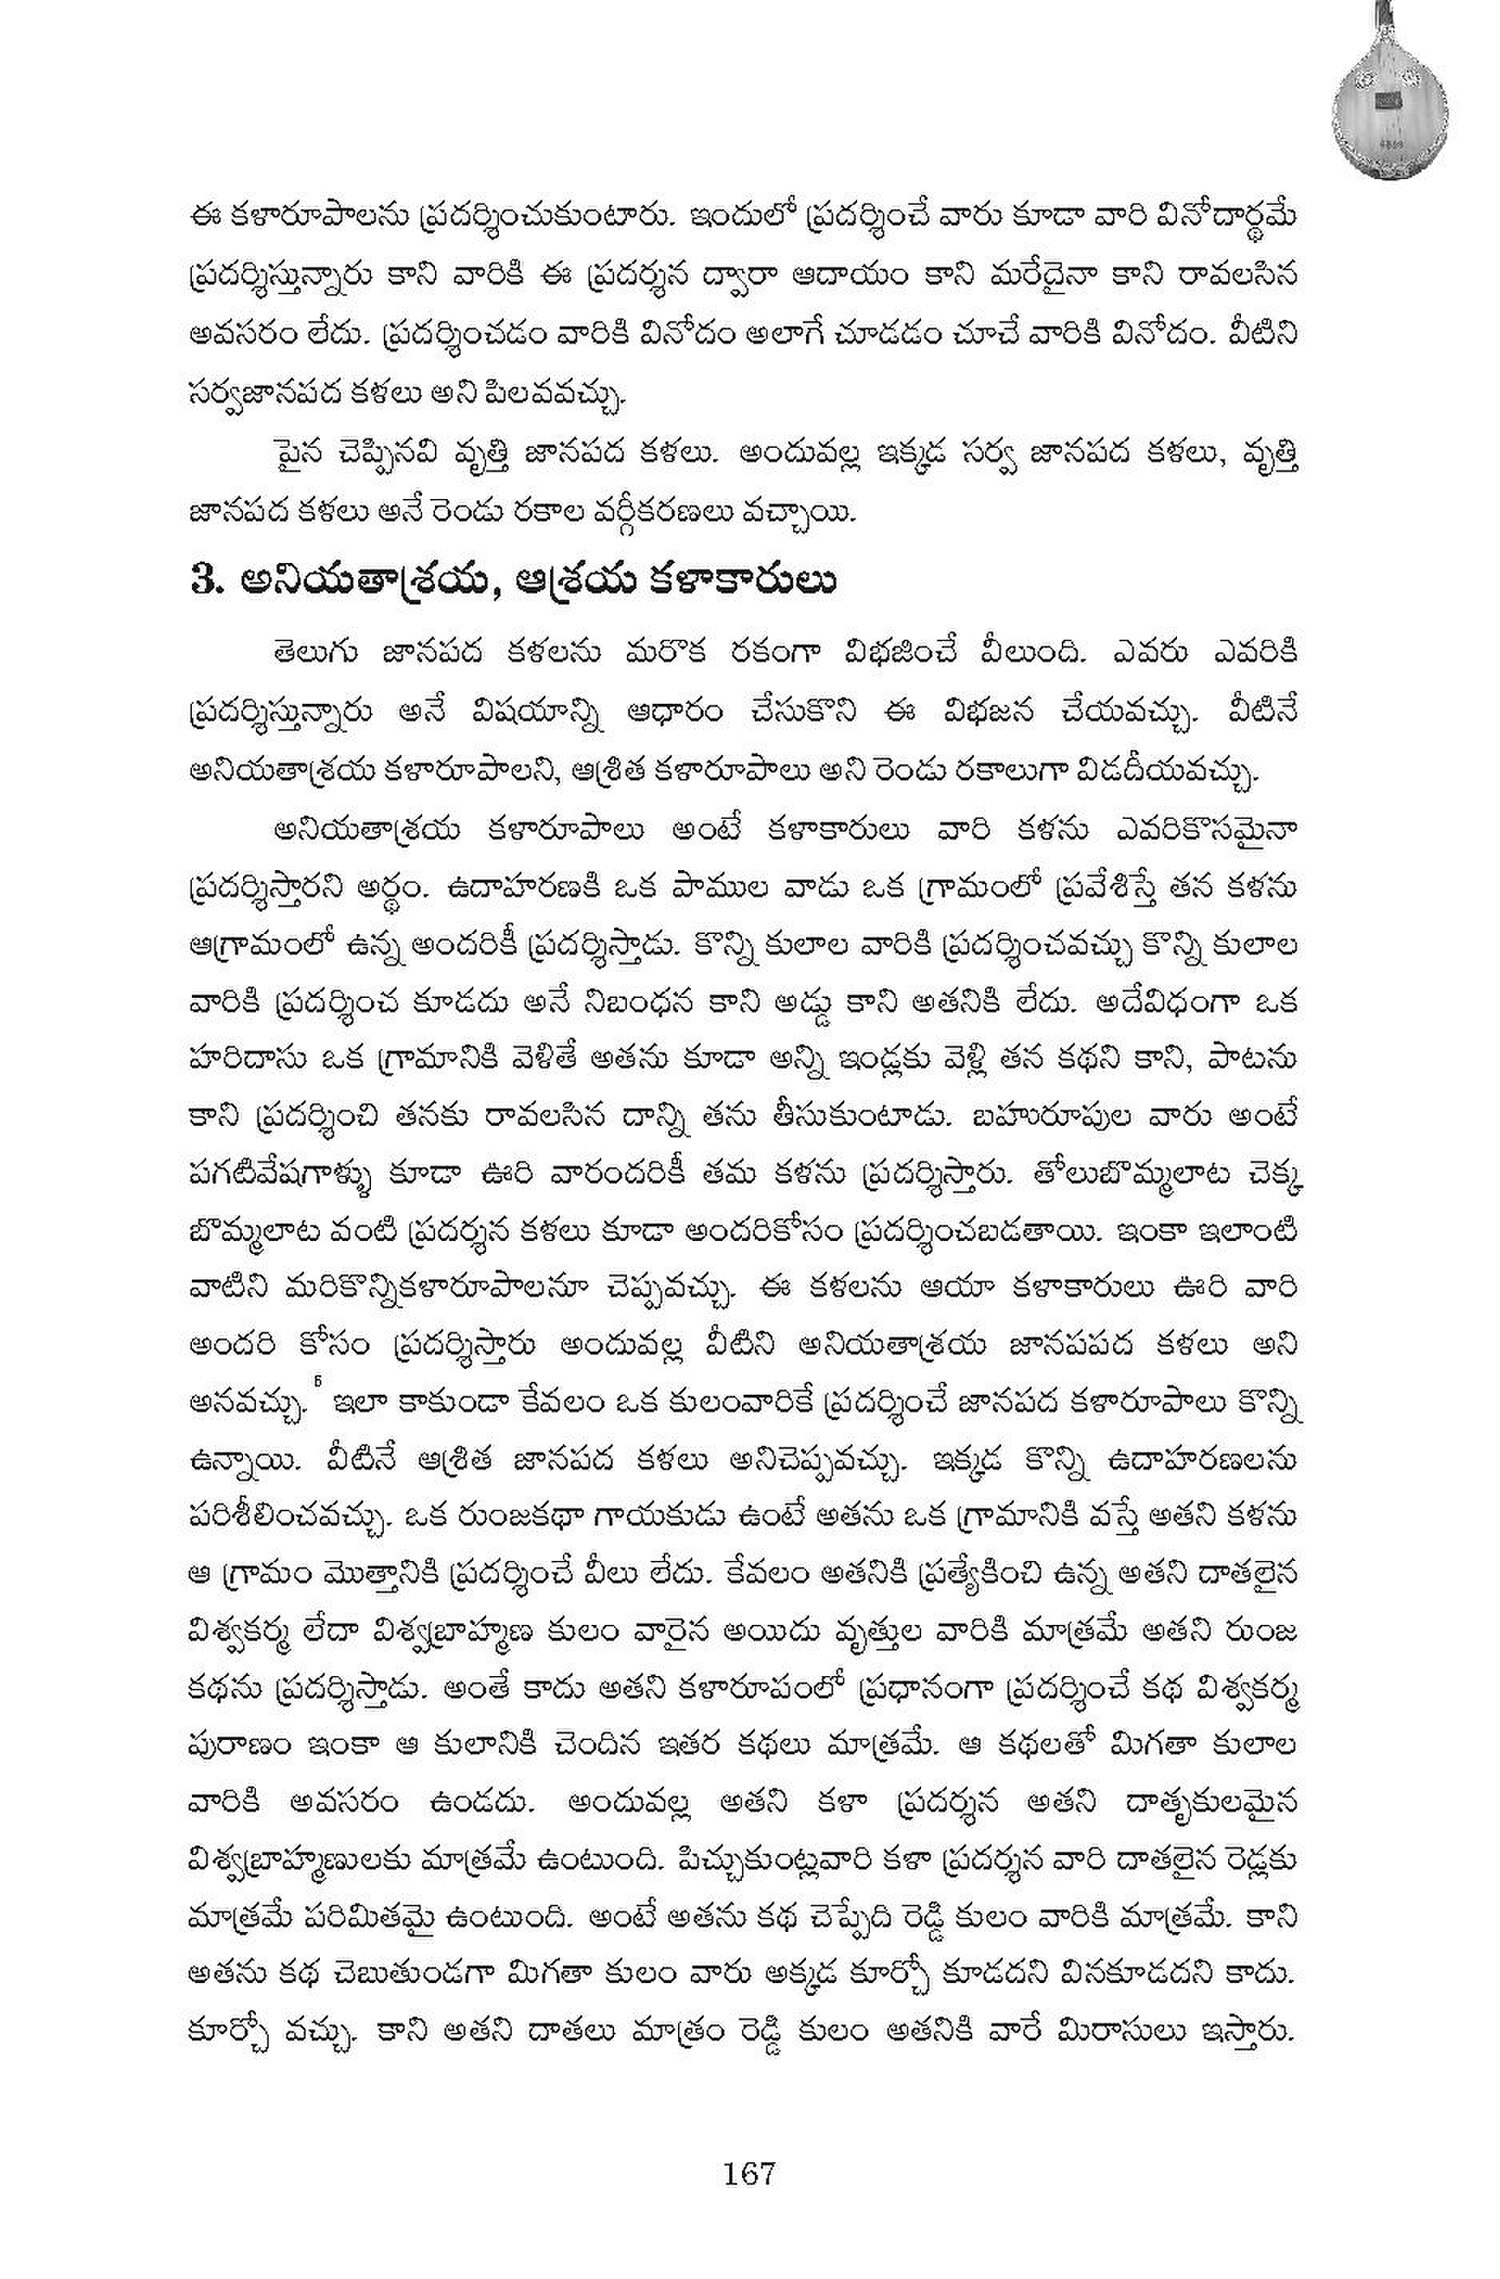ఈ కళారూపాలను ప్రదర్శించుకుంటారు. ఇందులో ప్రదర్శించే వారు కూడా వారి వినోదార్థమే ప్రదర్శిస్తున్నారు కాని వారికి ఈ ప్రదర్శన ద్వారా ఆదాయం కాని మరేదైనా కాని రావలసిన అవసరం లేదు. ప్రదర్శించడం వారికి వినోదం అలాగే చూడడం చూచే వారికి వినోదం. వీటిని సర్వజానపద కళలు అని పిలవవచ్చు.

పైన చెప్పినవి వృత్తి జానపద కళలు. అందువల్ల ఇక్కడ సర్వ జానపద కళలు, వృత్తి జానపద కళలు అనే రెండు రకాల వర్గీకరణలు వచ్చాయి.

3. అనియతాశ్రయ, ఆశ్రయ కళాకారులు 

తెలుగు జానపద కళలను మరొక రకంగా విభజించే వీలుంది. ఎవరు ఎవరికి ప్రదర్శిస్తున్నారు అనే విషయాన్ని ఆధారం చేసుకొని ఈ విభజన చేయవచ్చు. వీటినే అనియతాశ్రయ కళారూపాలని, ఆశ్రిత కళారూపాలు అని రెండు రకాలుగా విడదీయవచ్చు.

అనియతాశ్రయ కళారూపాలు అంటే కళాకారులు వారి కళను ఎవరికోసమైనా ప్రదర్శిస్తారని అర్థం. ఉదాహరణకి ఒక పాముల వాడు ఒక గ్రామంలో ప్రవేశిస్తే తన కళను ఆగ్రామంలో ఉన్న అందరికీ ప్రదర్శిస్తాడు. కొన్ని కులాల వారికి ప్రదర్శించవచ్చు కొన్ని కులాల వారికి ప్రదర్శించ కూడదు అనే నిబంధన కాని అడ్డు కాని అతనికి లేదు. అదేవిధంగా ఒక హరిదాసు ఒక గ్రామానికి వెళితే అతను కూడా అన్ని ఇండ్లకు వెళ్లి తన కథని కాని, పాటను కాని ప్రదర్శించి తనకు రావలసిన దాన్ని తను తీసుకుంటాడు. బహురూపుల వారు అంటే పగటివేషగాళ్ళు కూడా ఊరి వారందరికీ తమ కళను ప్రదర్శిస్తారు. తోలుబొమ్మలాట చెక్క బొమ్మలాట వంటి ప్రదర్శన కళలు కూడా అందరికోసం ప్రదర్శించబడతాయి. ఇంకా ఇలాంటి
వాటిని మరికొన్నికళారూపాలనూ చెప్పవచ్చు. ఈ కళలను ఆయా కళాకారులు ఊరి వారి అందరి కోసం ప్రదర్శిస్తారు అందువల్ల వీటిని అనియతాశ్రయ జానపపద కళలు అని అనవచ్చు.5 ఇలా కాకుండా కేవలం ఒక కులంవారికే ప్రదర్శించే జానపద కళారూపాలు కొన్ని ఉన్నాయి. వీటినే అశ్రిత జానపద కళలు అనిచెప్పవచ్చు. ఇక్కడ కొన్ని ఉదాహరణలను పరిశీలించవచ్చు. ఒక రుంజకథా గాయకుడు ఉంటే అతను ఒక గ్రామానికి వస్తే అతని కళను
ఆ గ్రామం మొత్తానికి ప్రదర్శించే వీలు లేదు. కేవలం అతనికి ప్రత్యేకించి ఉన్న అతని దాతలైన విశ్వకర్మ లేదా విశ్వబ్రాహ్మణ కులం వారైన అయిదు వృత్తుల వారికి మాత్రమే అతని రుంజ కథను ప్రదర్శిస్తాడు. అంతే కాదు అతని కళారూపంలో ప్రధానంగా ప్రదర్శించే కథ విశ్వకర్మ పురాణం ఇంకా ఆ కులానికి చెందిన ఇతర కథలు మాత్రమే. ఆ కథలతో మిగతా కులాల వారికి అవసరం ఉండదు. అందువల్ల అతని కళా ప్రదర్శన అతని దాతృకులమైన
విశ్వబ్రాహ్మణులకు మాత్రమే ఉంటుంది. పిచ్చుకుంట్లవారి కళా ప్రదర్శన వారి దాతలైన రెడ్లకు మాత్రమే పరిమితమై ఉంటుంది. అంటే అతను కథ చెప్పేది రెడ్డి కులం వారికి మాత్రమే. కాని అతను కథ చెబుతుండగా మిగతా కులం వారు అక్కడ కూర్చో కూడదని వినకూడదని కాదు. కూర్చో వచ్చు. కాని అతని దాతలు మాత్రం రెడ్డి కులం అతనికి వారే మిరాసులు ఇస్తారు.